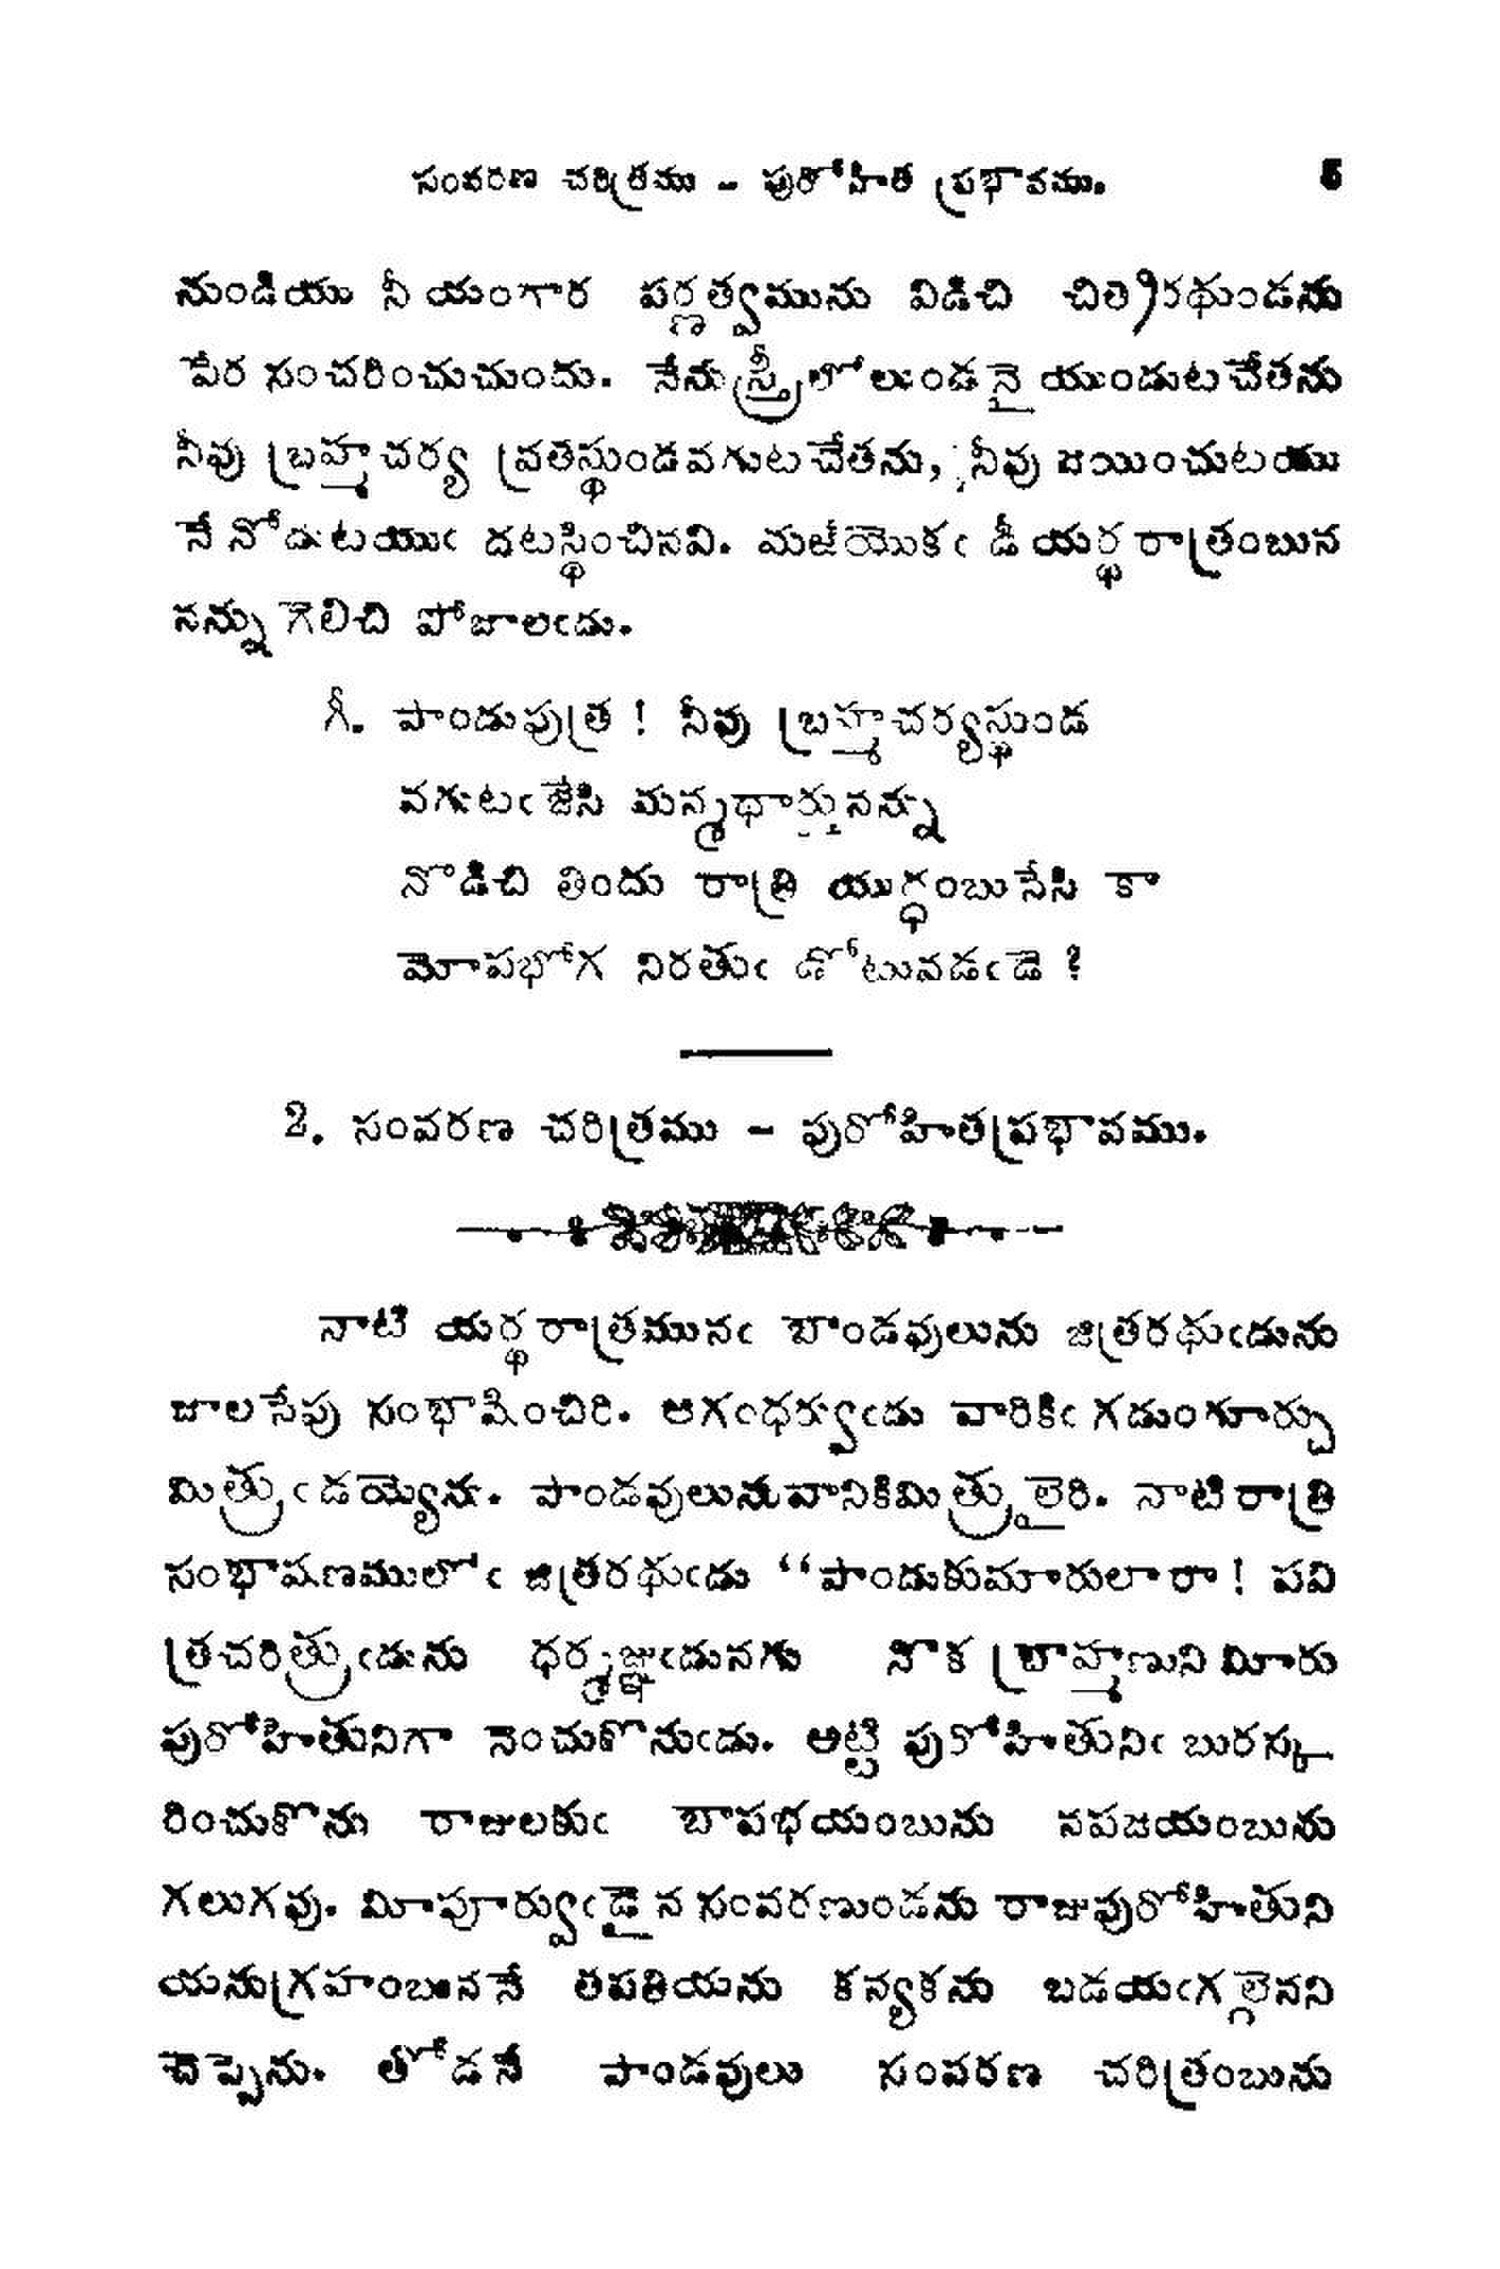నుండియు నీయంగార పర్ణత్వమును విడిచి చిత్రరథుండను పేర సంచరించుచుందు. నేను స్త్రీలోలుండనై యుండుటచేతను నీవు బ్రహ్మచర్య వ్రతస్థుండవగుటచేతను, నీవు జయించుటయు నే నోడుటయుఁ దటస్థించినవి. మఱియొకఁ డీ యర్ధ రాత్రంబున నన్ను గెలిచి పోజాలఁడు.

గీ. పాండుపుత్ర ! నీవు బ్రహ్మచర్యస్థుండ 
 వగుటఁ జేసి మన్మథార్తునన్ను 
 నొడిచి తిందు రాత్రి యుద్ధంబుసేసి కా 
 మోపభోగ నిరతుఁ డోటువడఁడె ?

___________

2. సంవరణ చరిత్రము - పురోహితప్రభావము.

నాటి యర్ధరాత్రమునఁ బాండవులును జిత్రరథుఁడును జాలసేపు సంభాషించిరి. ఆగంధర్వుఁడు వారికిఁ గడుంగూర్చు మిత్రుఁడయ్యెను. పాండవులును వానికిమిత్రులైరి. నాటిరాత్రి సంభాషణములోఁ జిత్రరథుఁడు “పాండుకుమారులారా ! పవిత్రచరిత్రుఁడును ధర్మజ్ఞుఁడునగు నొక బ్రాహణుని మీరు పురోహితునిగా నెంచుకొనుఁడు. అట్టి పురోహితునిఁ బురస్కరించుకొను రాజులకుఁ బాపభయంబును నపజయంబును గలుగవు. మీపూర్వుఁడైన సంవరణుండను రాజు పురోహితుని యనుగ్రహంబుననే తపతియను కన్యకను బడయఁగల్గెనని చెప్పెను. తోడనే పాండవులు సంవరణ చరిత్రంబును